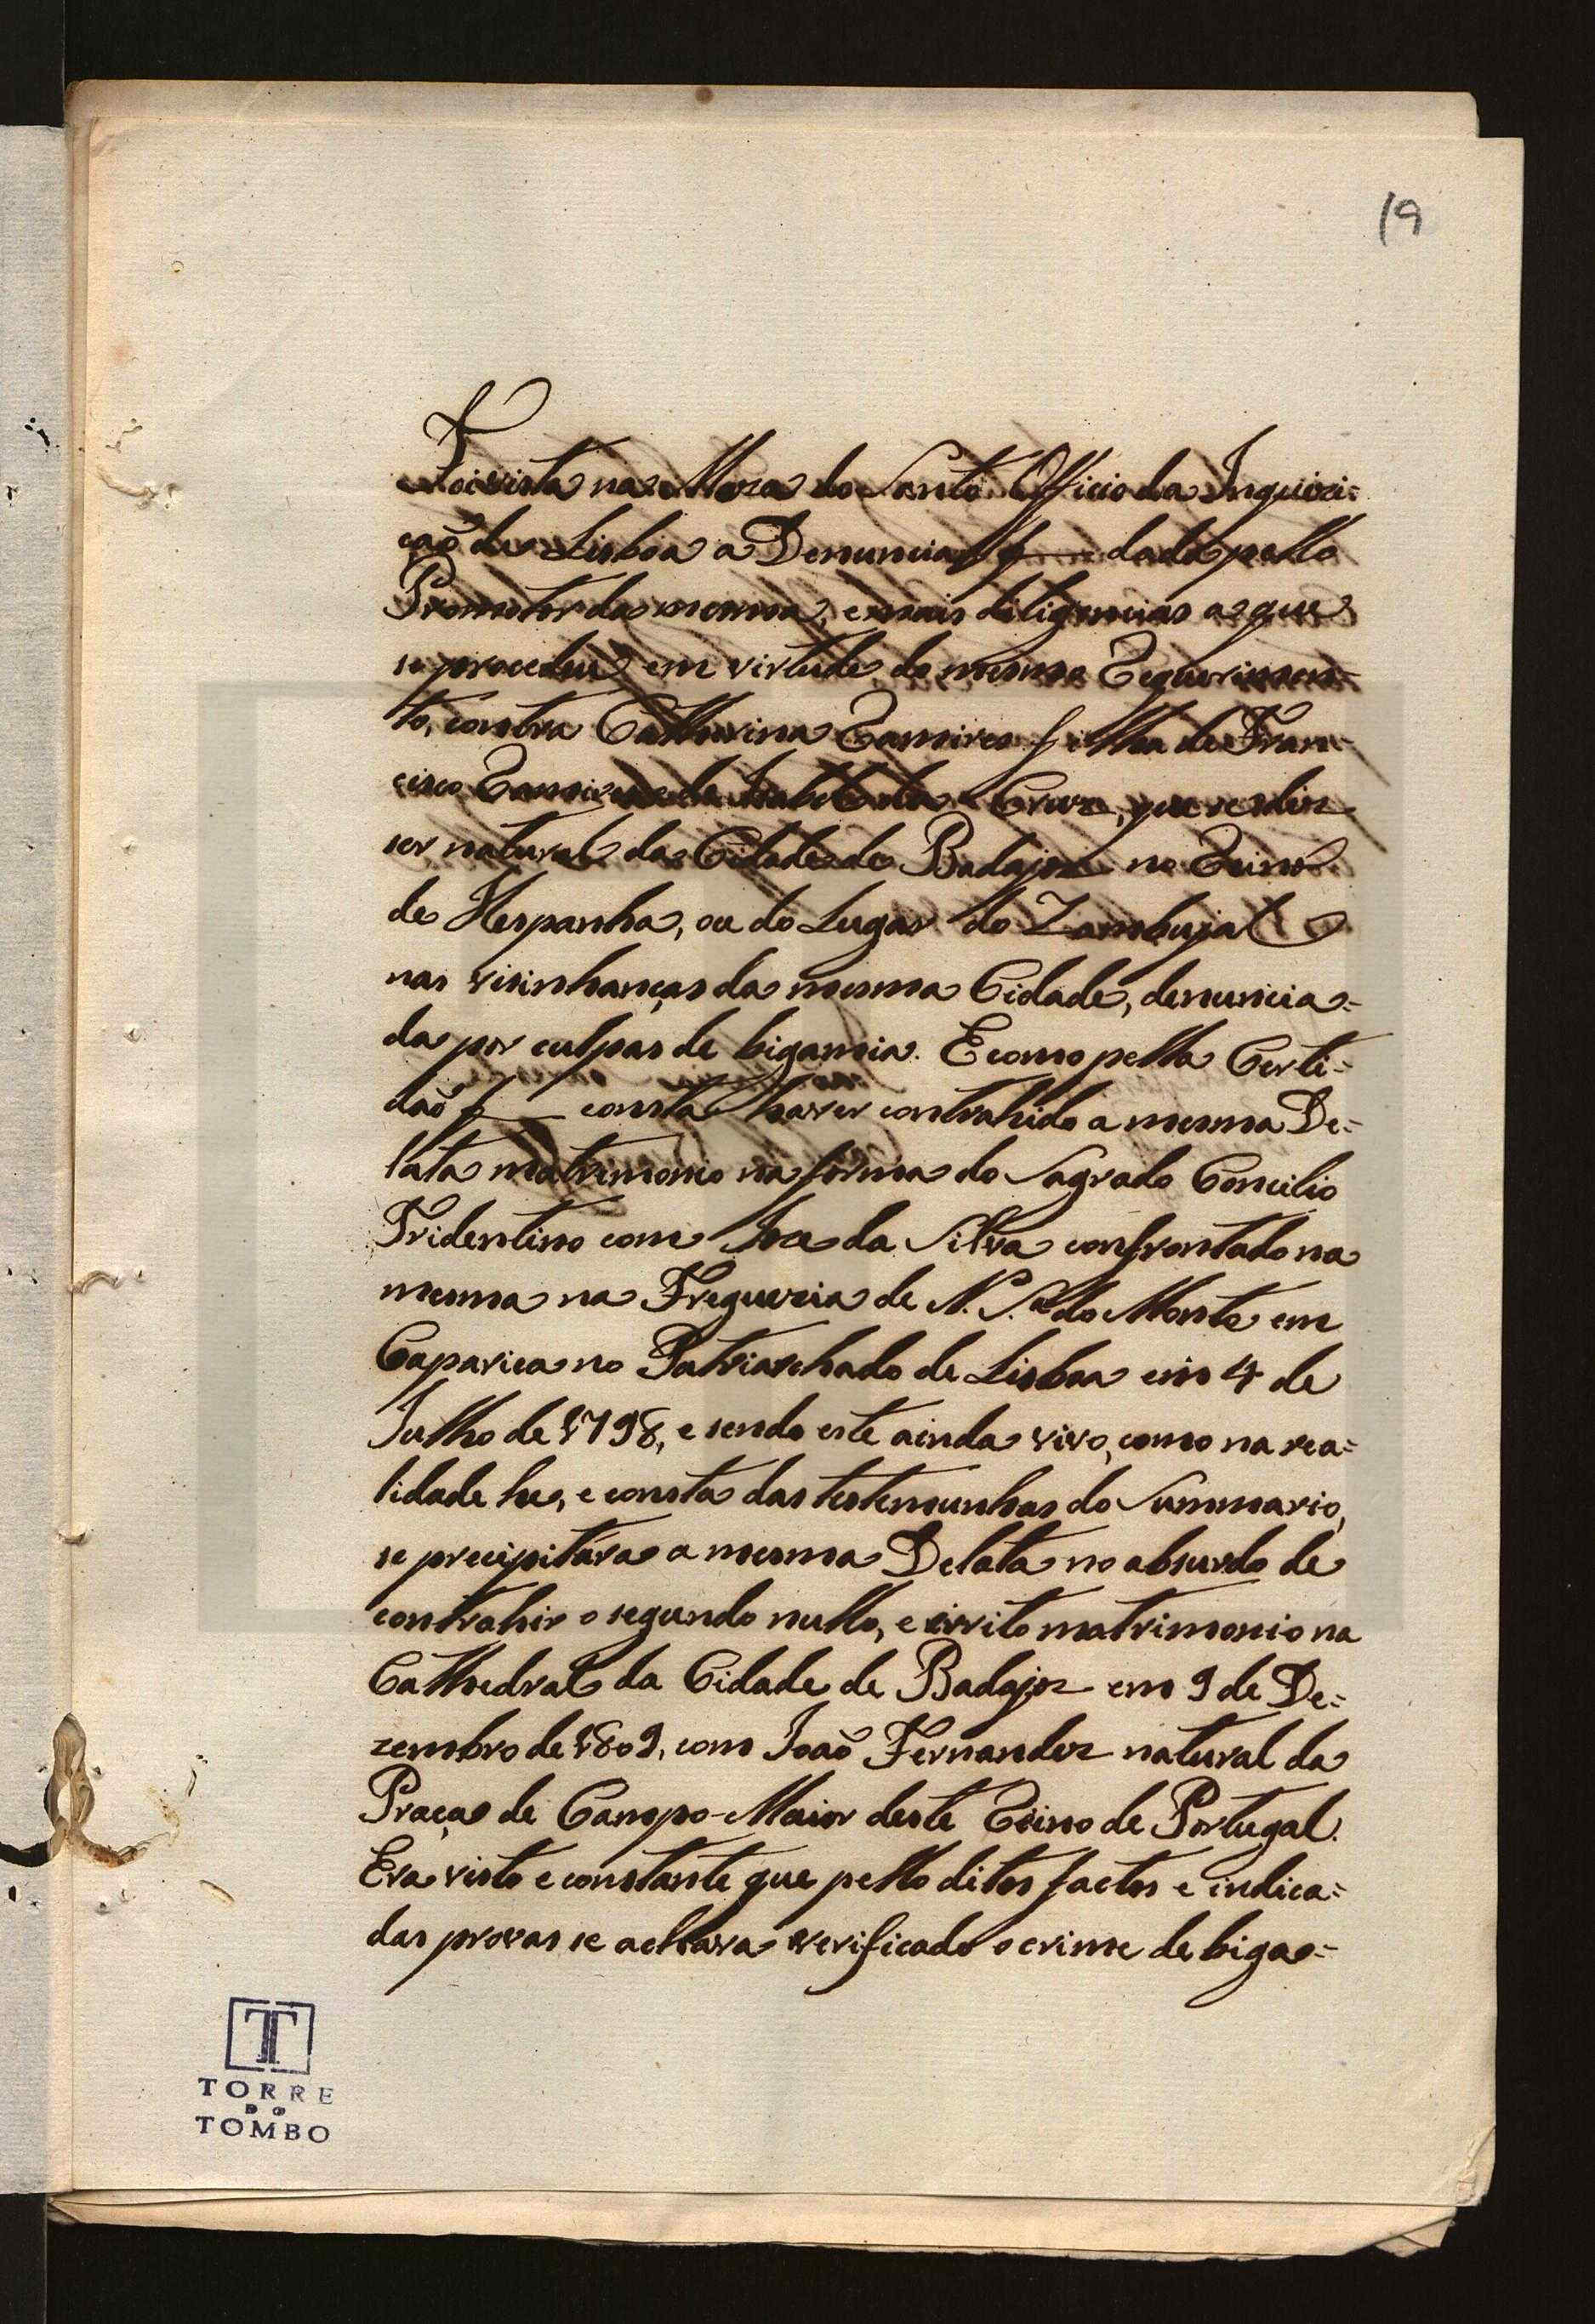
Foi vista na Meza do Santo Officio da Inquizi
çaõ de Lisboa a Denuncia f dado pello
Promotor da mesma, e mais diligencias a que
se procedeu em virtude do mesmo Requerimen
to, contra Catherina Ramires filha de Fran
cisco Ramires e de Izabel da Cruz, que se diz
ser natural da Cidade de Badajoz no Reino
de Hespanha, ou do Lugar do Zambujal
nas visinhanças da mesma Cidade, denuncia
da por culpas de bigamia. E como pella Certi
daõ f consta haver contrahido a mesma De
lata matrimonio na forma do Sagrado Concilio
Tridentino com Ioze da Silva confrontado na
mesma na Freguezia de N. S.a do Monte em
Caparica no Patriarchado de Lisboa em 4 de
Iulho de 1798, e sendo este ainda vivo, como na rea
lidade he, e consta das testemunhas do Summario,
se precipitára a mesma Delata no absurdo de
contrahir o segundo nullo, e irrito matrimonio na
Cathedral da Cidade de Badajoz em 9 de De
zembro de 1809, com Ioaõ Fernandez natural da
Praça de Campo Maior deste Reino de Portugal.
Era visto e constante que pello ditos factos e indica
das provas se achava verificado o crime de biga
